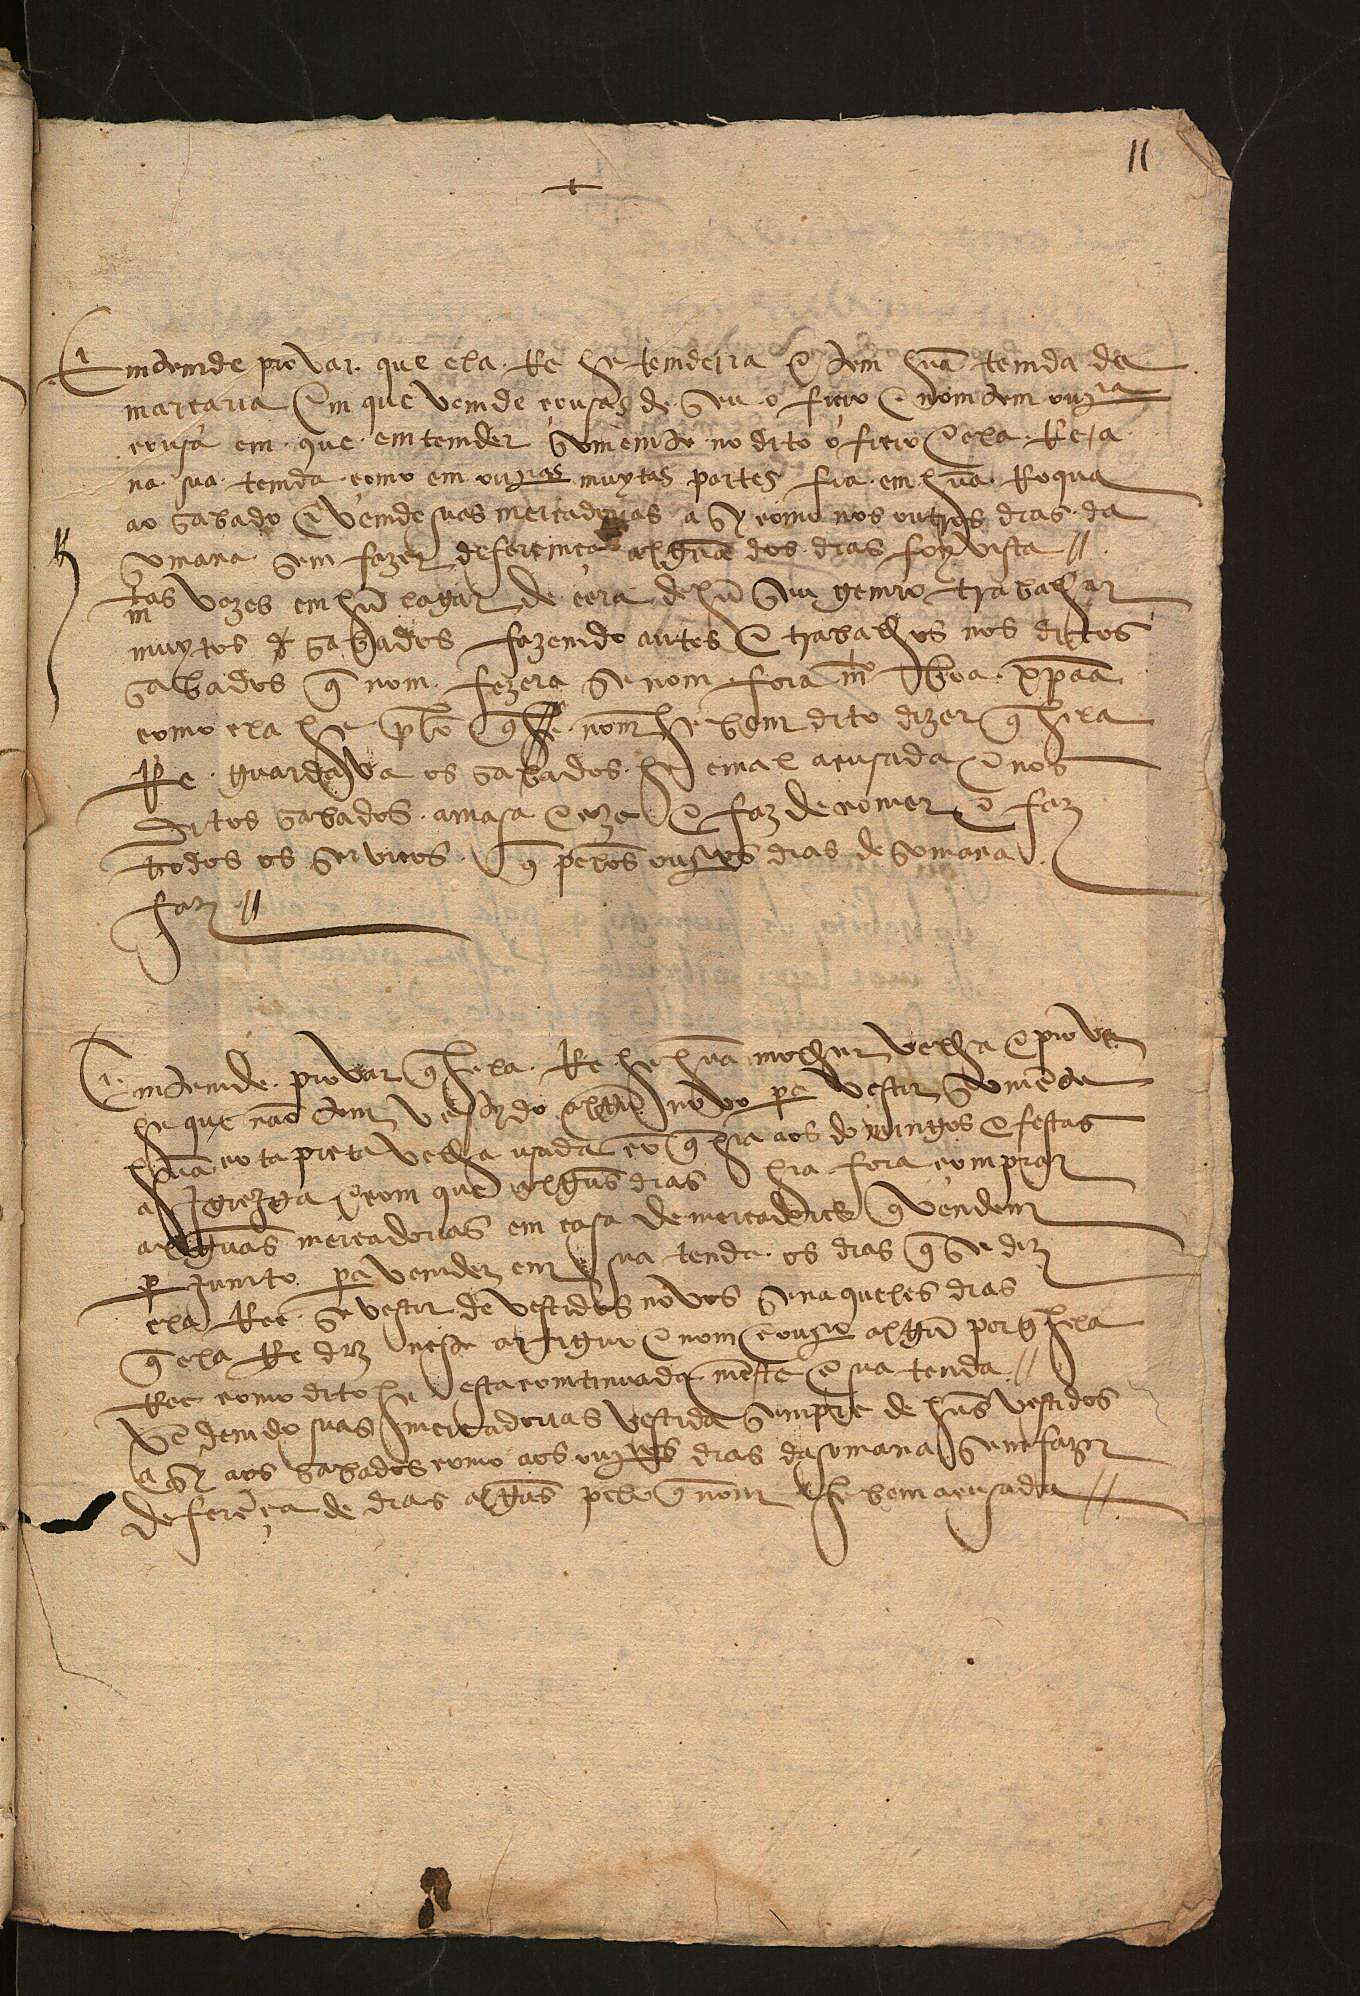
Rꝭ
Emtemde provar. que ela. Re he temdeira e tem hūa temda da
marçaria em que vemde çousas de seu ofiçio e nom tem outra
cousa em . que . emtemder somemte no dito oficio e ela. Re ja
na sua temda . çomo em outras muytas partes fia . em hūa Roqua
ao sabado e vemde suas mercadorias asy como nos outros dias da
somana sem fazer deferemça algūa dos dias foy vista //
muytas vezes em hū lagar de cera de hū seu gemro trabalhar
muytos d sabados fazemdo autos e trabalhos nos ditos
sabados q̄ nom fezera se nom fora mto boa x̄paa
como ela he p̄lo q̄ he nom he bem dito dizer q̄ hela
Re . guardava os sabados he e mal acusada e nos
ditos sabados . amasa e coze e faz de comer e faz
todos os servicos q̄ pēlos outros dias de somana
faz .//
Emtemde . provar q̄ hela Re he hūa molher velha e prove
he que não tem vestydo algū novo ꝑa vestir somēte
hūa cota preta velha usada c̄o q̄ hia aos domingos e festas
a JgreJga e com que algūs dias hia fora çomprar
algūas mercadorias em casa de mercadores q̄ vendem
ꝑ Jumto ꝑa vemder em sua tenda. os dias q̄ se diz
ela Ree . se vestir de vestidos novos se naqueles dias
q̄ ela Re diz neste artiguo e nom ē outro algū porq̄ hela
Ree como dito he esta comtinuadamēte ē sua tenda //
vēdemdo suas mercadorias vestida sempre de hūs vestidos
asy aos sabados como aos outros dias da somana sem fazer
deferēça de dias algūs pelo q̄ nom he bem acusada //
